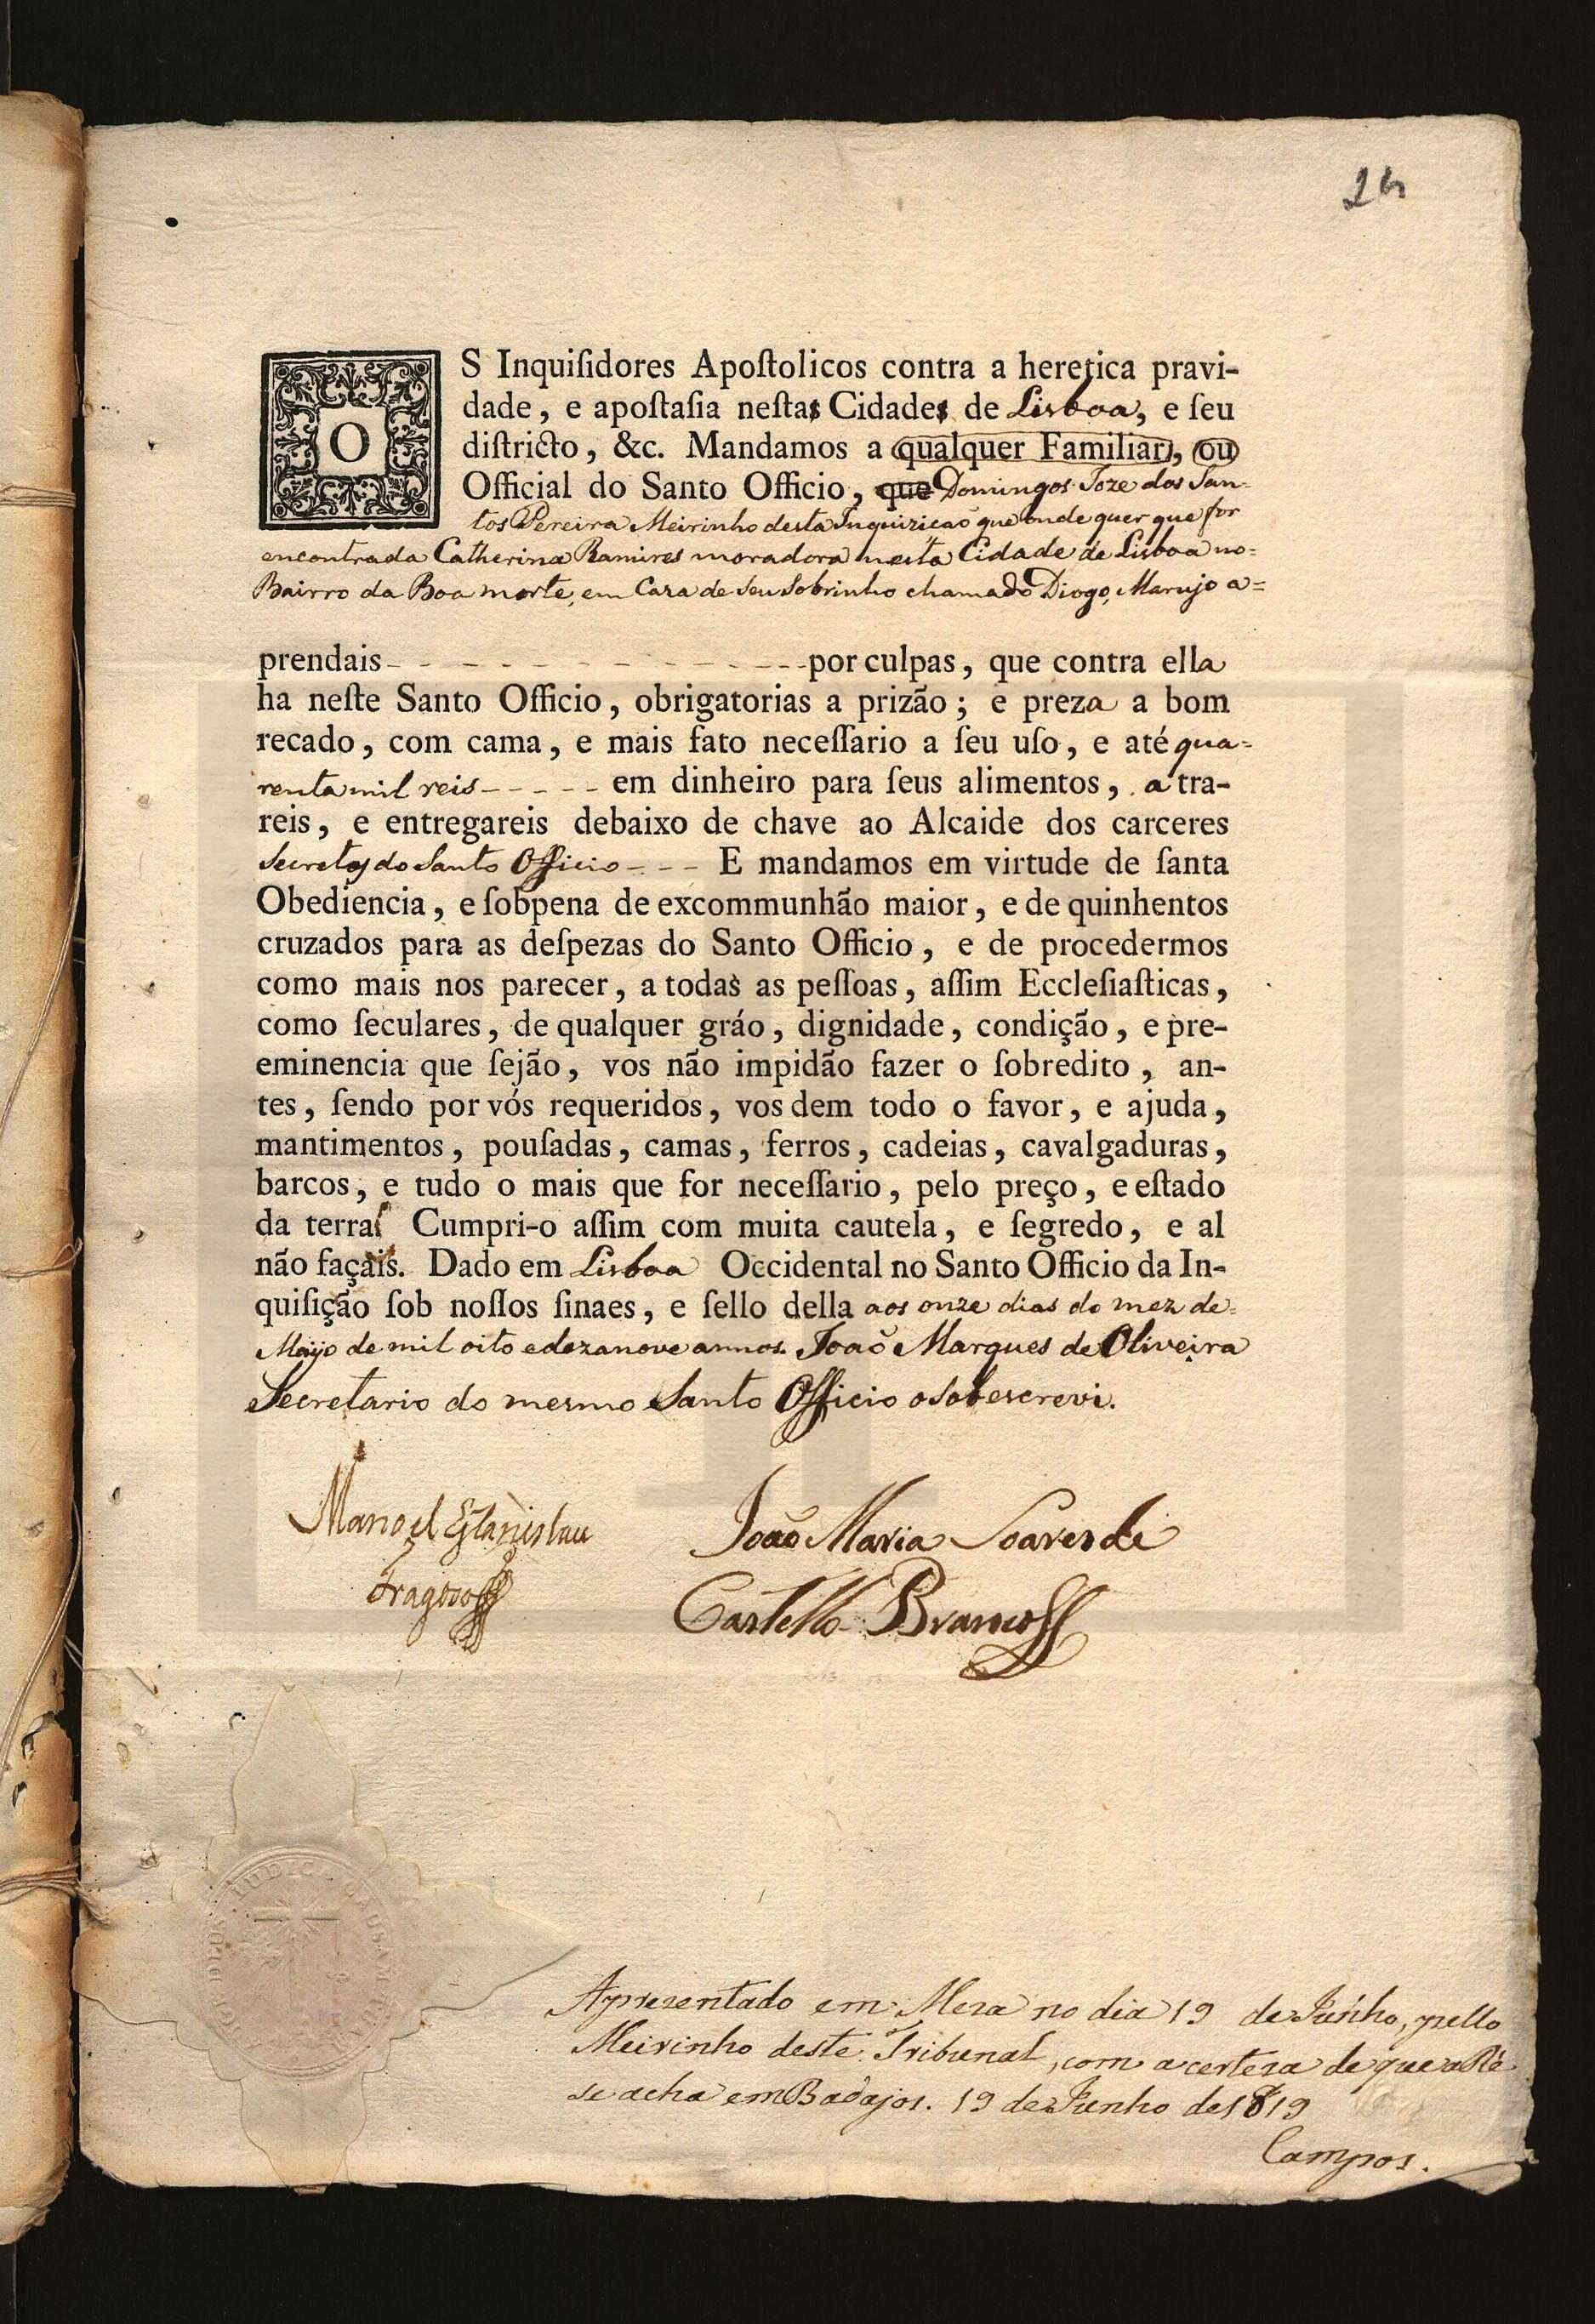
S Inquisidores Apostolicos contra a heretica pravi
dade, e apostasia nestas Cidades de Lisboa, e seu
districto, &c. Mandamos a qualquer Familiar, ou
Official do Santo Officio, que Domingos Ioze dos San
tos Pereira Meirinho desta Inquiziçaõ que onde quer que for
encontrada Catherina Ramires moradora nesta Cidade de Lisboa no
Bairro da Boa morte, em Caza de seu sobrinho chamado Diogo, Marujo a
prendais
por culpas, que contra ella
ha neste Santo Officio, obrigatorias a prizão; e preza a bom
recado, com cama, e mais fato necessario a seu uso, e até qua
renta mil reis em dinheiro para seus alimentos, a tra
reis, e entregareis debaixo de chave ao Alcaide dos carceres
secretos do Santo Officio E mandamos em virtude de santa
Obediencia, e sobpena de excommunhão maior, e de quinhentos
cruzados para as despezas do Santo Officio, e de procedermos
como mais nos parecer, a todas as pessoas, assim Ecclesiasticas,
como seculares, de qualquer gráo, dignidade, condição, e pre
eminencia que sejão, vos não impidão fazer o sobredito, an
tes, sendo por vós requeridos, vos dem todo o favor, e ajuda,
mantimentos, pousadas, camas, ferros, cadeias, cavalgaduras,
barcos, e tudo o mais que for necessario, pelo preço, e estado
da terra Cumpri-o assim com muita cautela, e segredo, e al
não façais. Dado em Lisboa Occidental no Santo Officio da In
quisição sob nossos sinaes, e sello della aos onze dias do mez de
Mayo de mil oito e dezanove annos. Ioaõ Marques de Oliveira
Secretario do mesmo Santo Officio o sobescrevi.
Manoel Estanislau
Ioaõ Maria Soares de
Fragoso
Castello-Branco
Aprezentado em Meza no dia 19 de Iunho, pello
Meirinho deste Tribunal, com a certeza de que a Ré
se acha em Badajos. 19 de Iunho de 1819
Campos.
